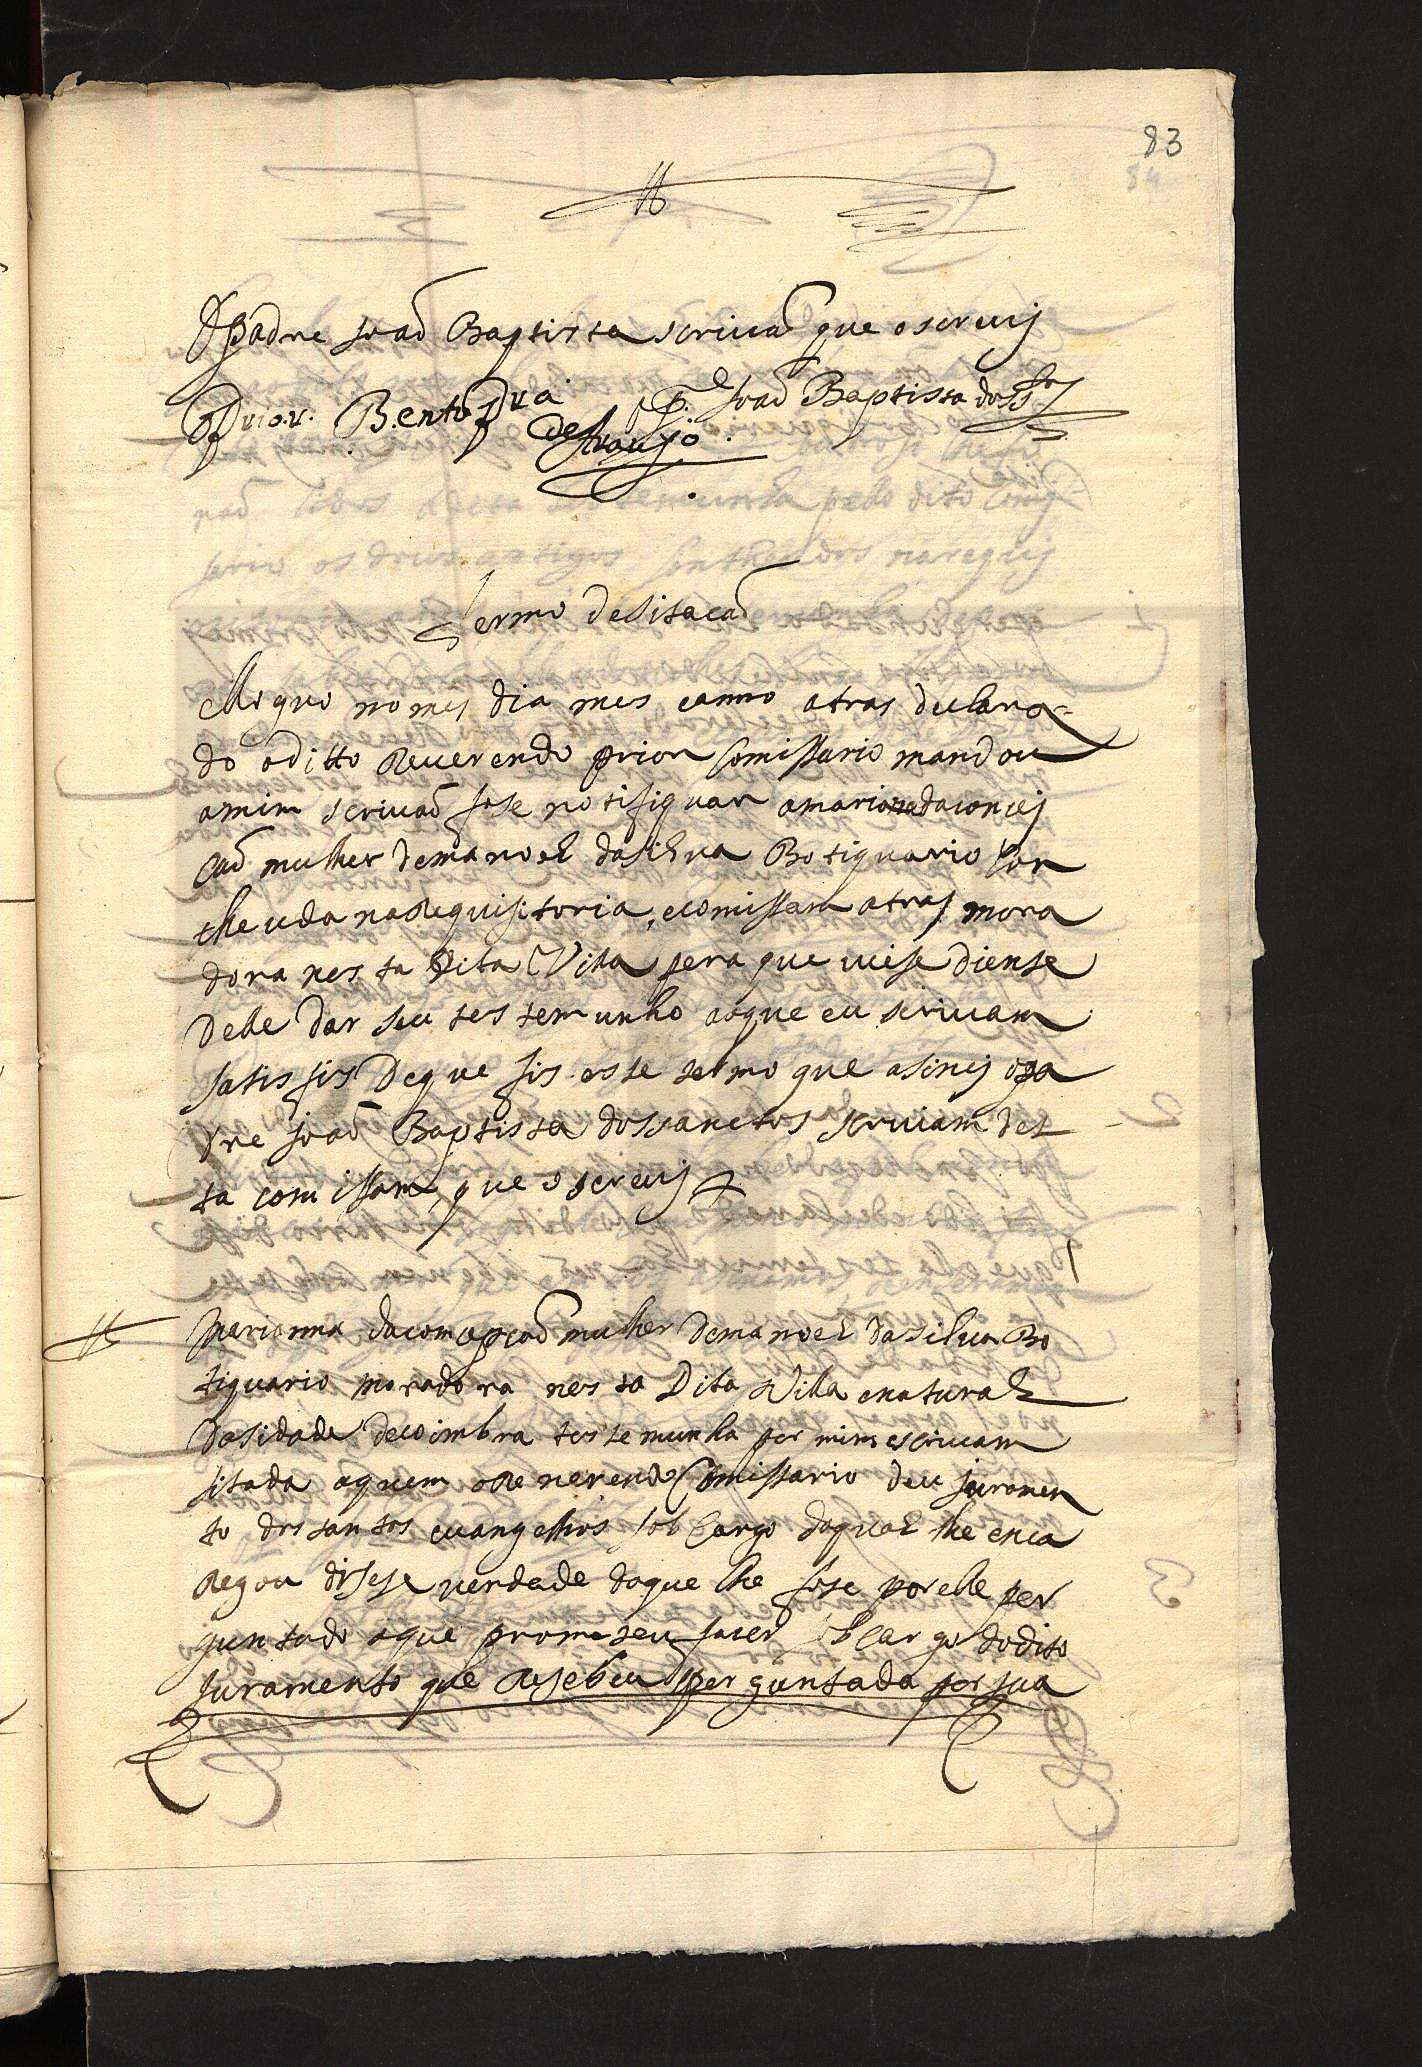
O padre Joaõ Baptista scriuaõ que o screuj
termo de sitacaõ
cheguo no mes dia mes e anno atras declara
do o ditto Reuerendo prior Comissario mandou
a mim scriuaõ fose notifiquan a mariana da concej
caõ mulher de manoel da silva Botiquario con
theuda na Requisitoria, e comissara atras mora
dora nesta dita Villa pera que uiese diente
Delle dar seu testemunho ao que eu scriuam
satisfis De que fis este termo que asinej o pa
dre joaõ Baptista dos sanctos scriuam des
ta comissam, que o screuj
Mariama da comcepcaõ mulher De manoel da silua Bo
tiquario moradora nesta Dita Villa e natural
da sidade de coimbra testemunha por mim escriuam
sitada a quem o Reverendo Comissario seu juramen
to dos santos euangelhos sob Cargo do qual lhe enca
Regou disese verdade do que lhe fose por elle per
guntado o que prometeu faser sob cargo do dito
Juramento que Reseveu perguntada por sua
